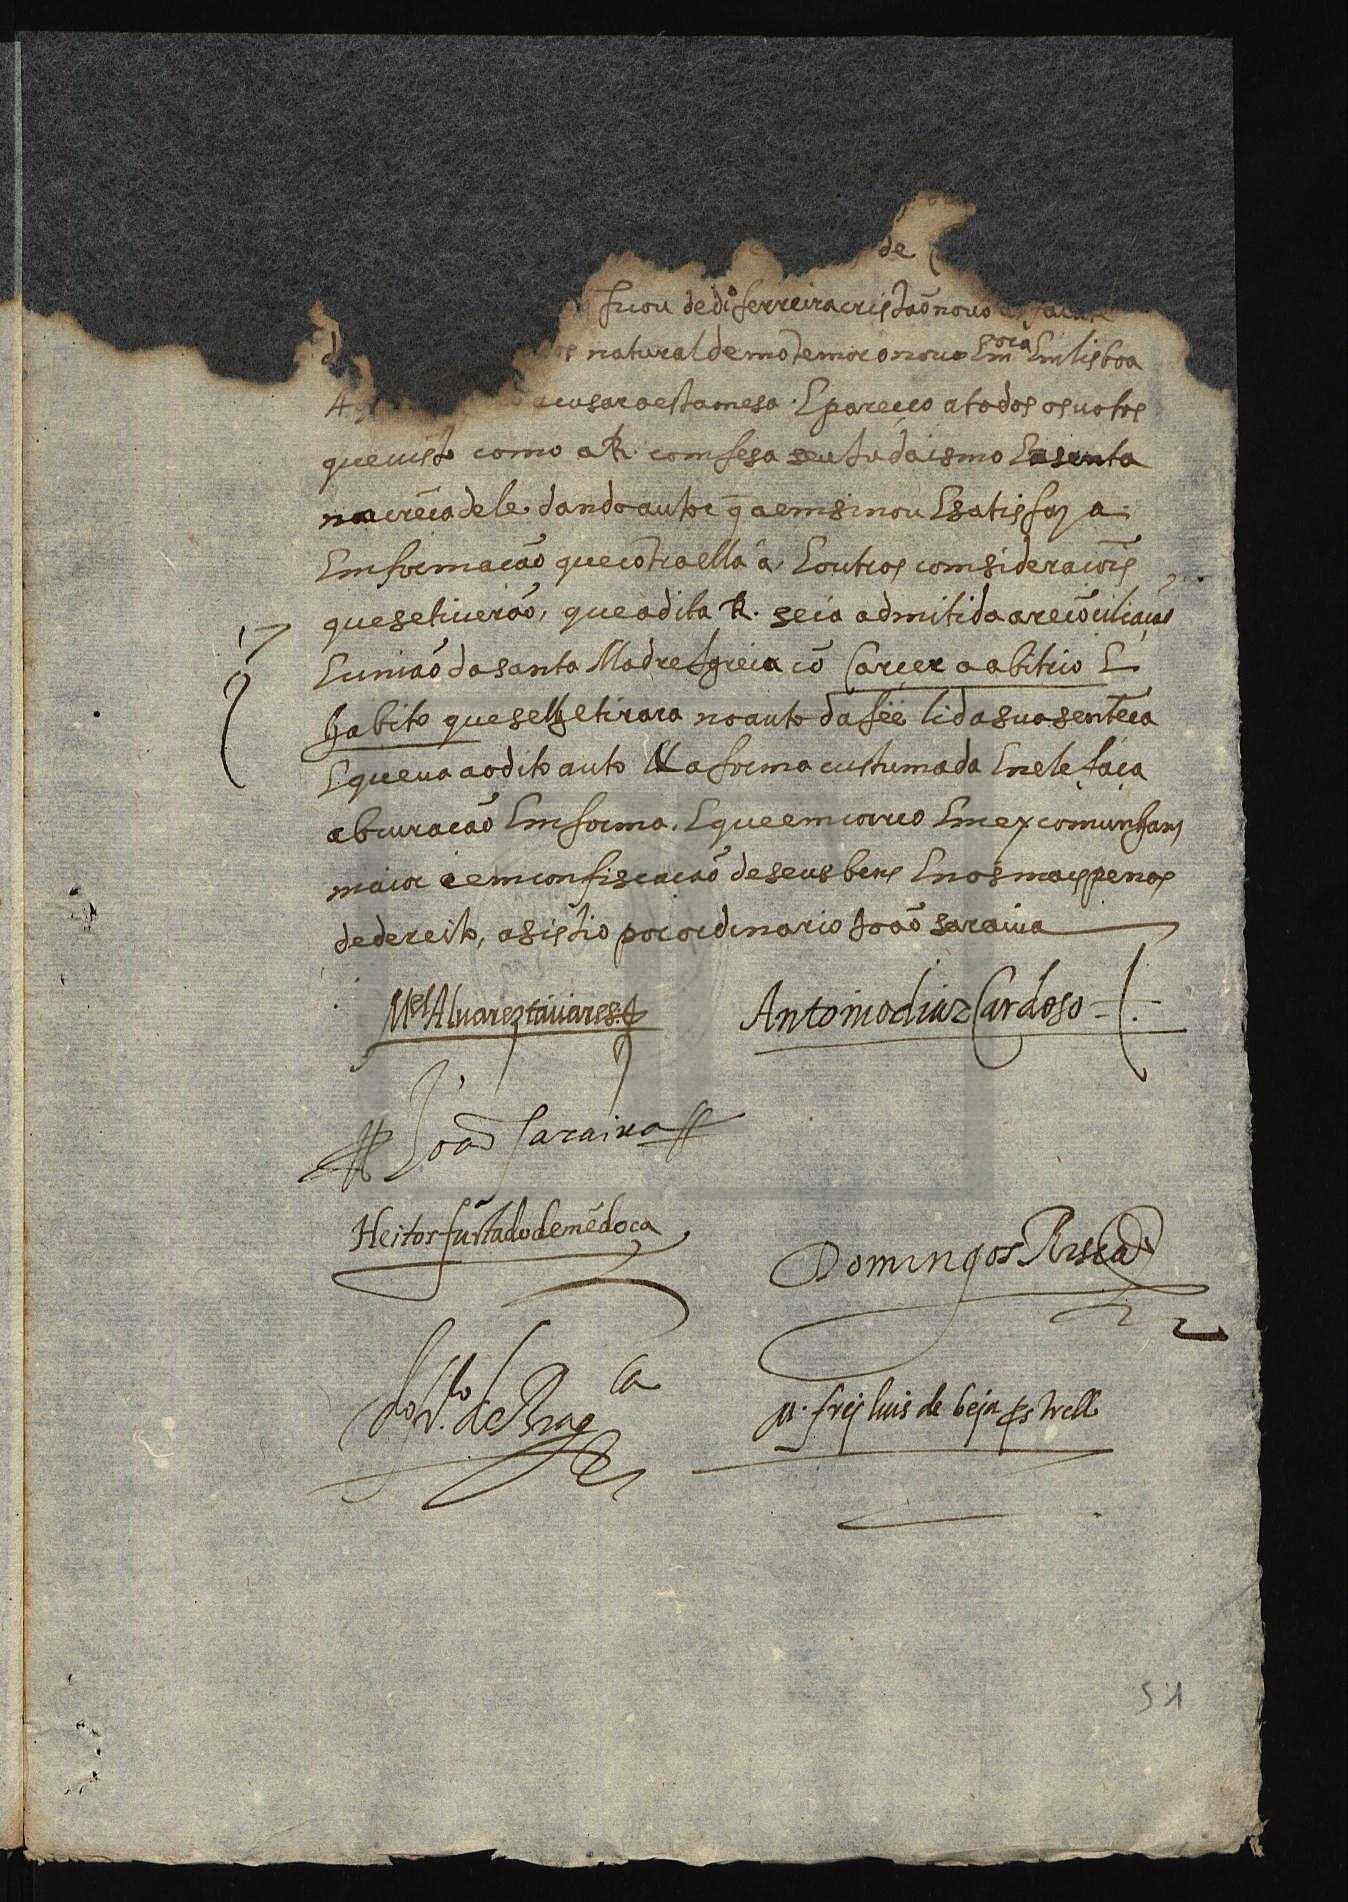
de
ficou de dio ferreira cristaõ nouo _ fa
os natural de mōtemor o nouo E mora Em lisboa
acusar a esta mesa. E pareceo a todos os uotos
A
que uisto como a R. comfesa seu Iudaismo e asenta
na crēça dele dando autor q̄ a emsinou E satisfaz a
Emformaçaõ que cōtra ella á E outras consideraçoĩs
que se tiueraõ, que a dita R. seia admitida a recōciliaçaõ
E uniaõ da santa Madre Igreia cō Carcer a abitrio E
habito que se lhe tirara no auto da fee lida sua sentēça
E que ua ao dito auto Na forma custumada E nele faça
abiuraçaõ Em forma. E que emcorreo em excomunham
maior e em confiscaçaõ de seus bens e nas mais penas
de dereito, asistio por ordenario Joaõ Saraiua
Antonio diaz Cardoso
Mel Aluarez tauares
Joaõ Saraiua
Heitor furtado de mēdoça
Domingos Riscado
M. frej luis de beja ꝓstrello
dō fr.co de Bragça
